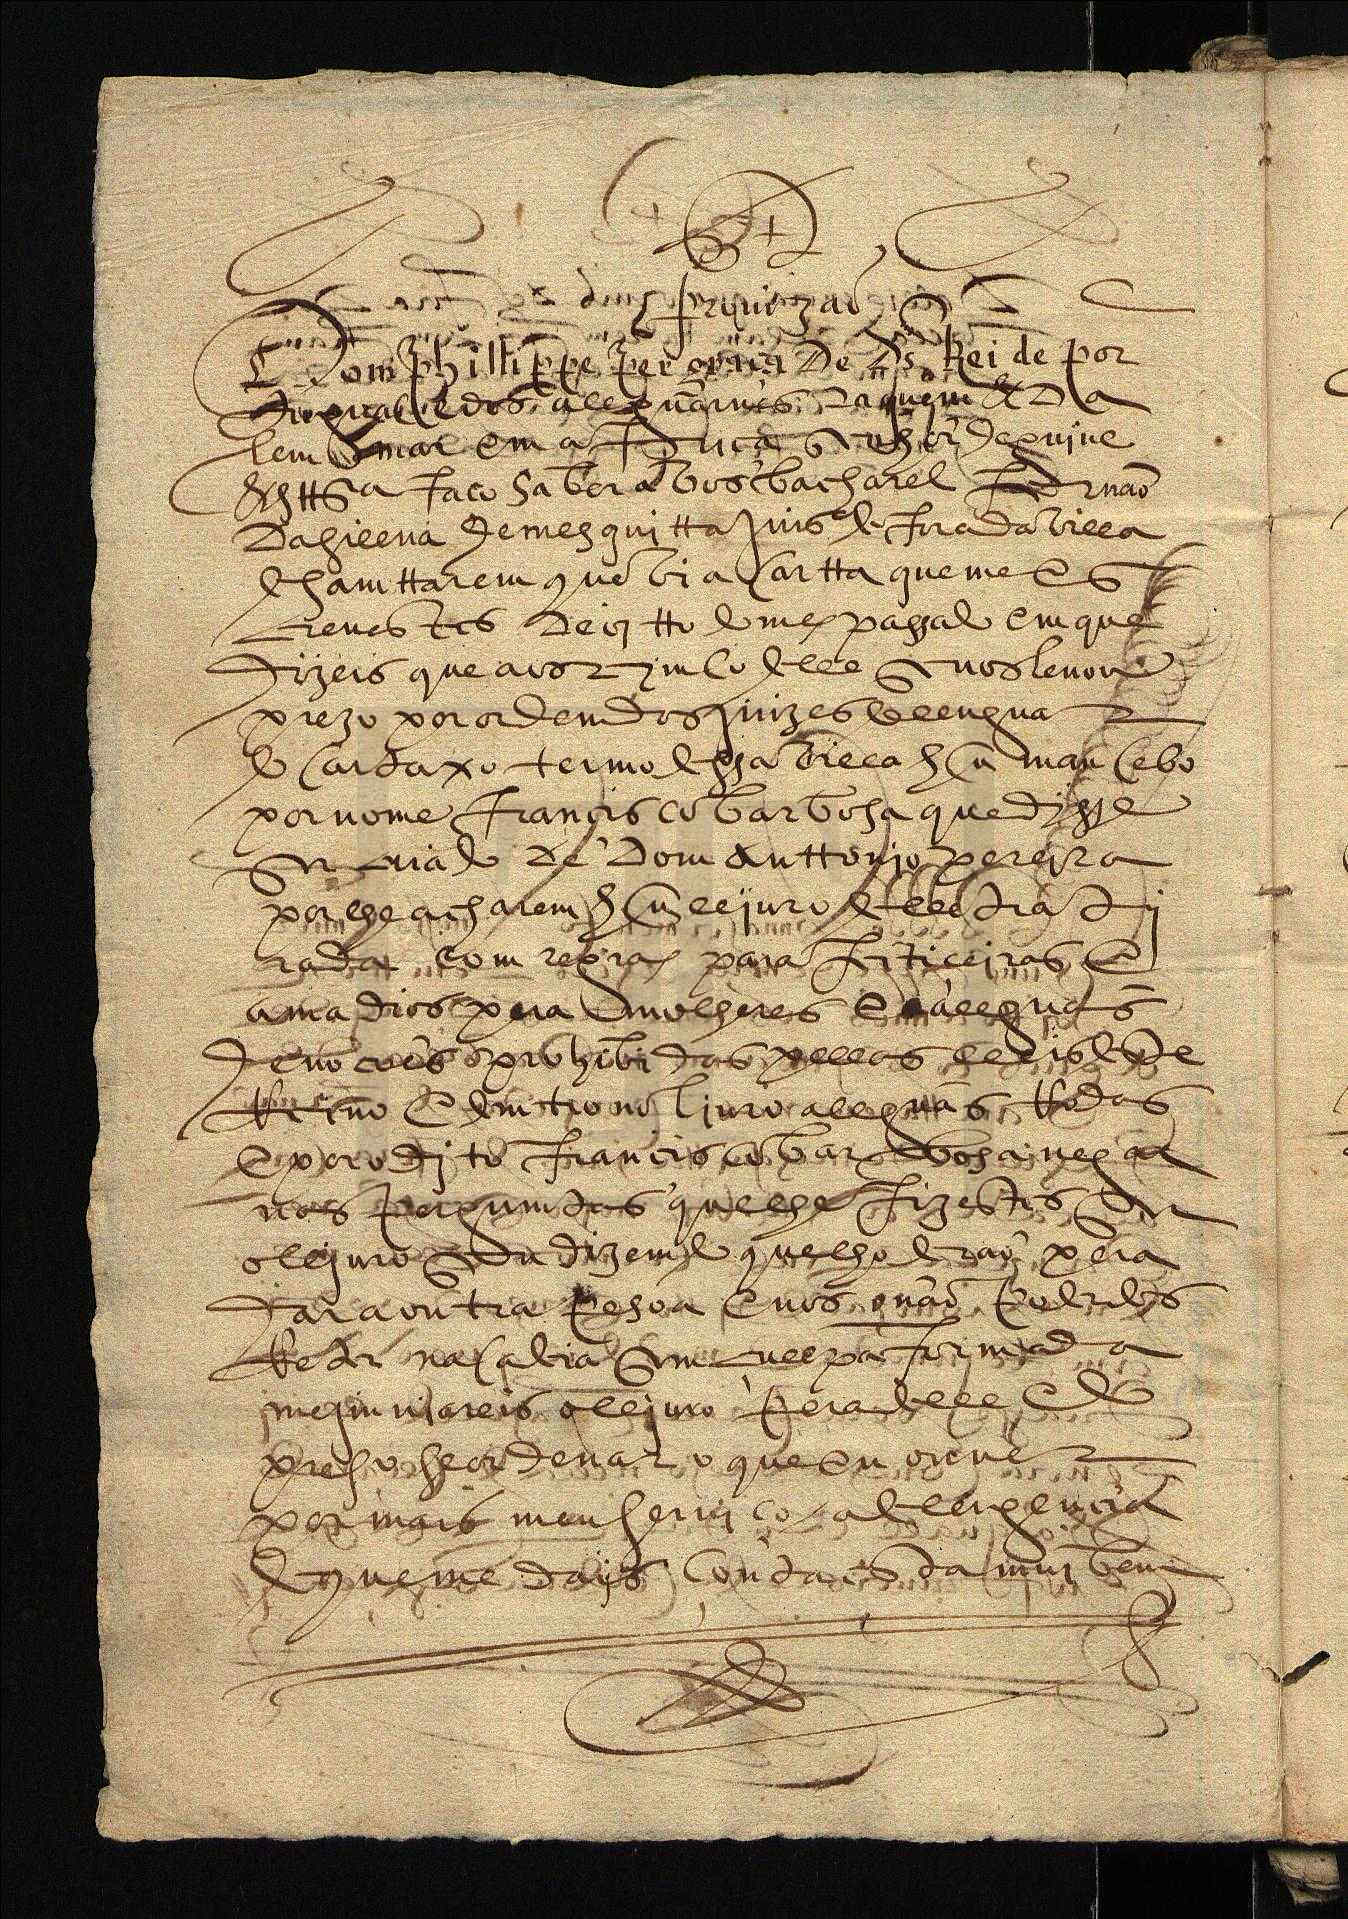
prouizaõ
Dom phillippe per graça De Ds̄ Rei de por
tugual e dos allguarues daquem & Da
lem mar em africa senhor de gujne
&ꝭttra faço Saber a Vos bacharel fernão
Da sillua de mesquitta Juis de fora da Villa
de samttarem que Vi a Cartta que me es
Creuestes De ojtto do mes passado em que
dizeis que aos cjmco delle se uos leuou
prezo por ordem dos Juizes do lluguar
do Cartaxo termo dessa Villa hū manCebo
por nome francisco barbosa que djsse
ser criado De Dom Anttonjo perejra
por lhe acharem hū lljuro de lletra ty
rada com regras para feiticejras e
amadios pera molheres e allguas̄
deuoçoẽs prohibidas pellas lleis deste
Reino e demtro no ljuro allguās Rodas
e por o djto francisco barbosa negar
nas pergumtas que lhe fizestes ser
o lljuro seu dizemdo que lho deraõ pera
dar a outra pesoa e uos o naõ poderdes
Reter na Cadeia sem cullpa firmada
me jmuiareis o lljuro pera delle e do
preso se ordenar o que eu ouuer
por mais meu seruiço / a delligencia
de que me dajs conta esta muj bem
